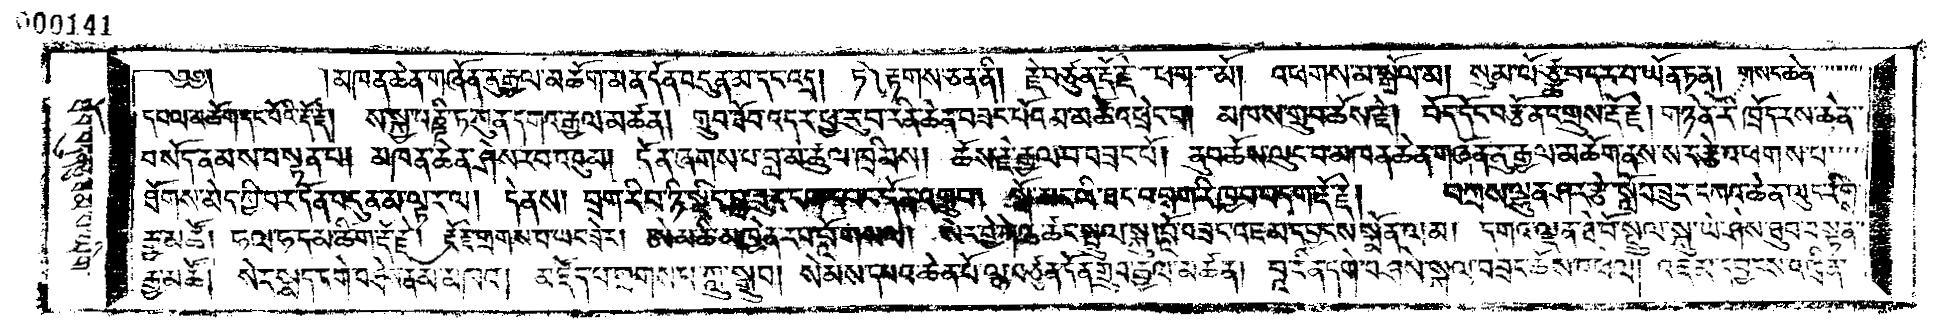༄༅། །མཁན་ཆེན་གཞོན་ནུ་རྒྱལ་མཆོག་མན་དོན་བདུན་མ་དང་འདྲ། ཏ་རྟགས་ཅན་ནི། རྗེ་བཙུན་རྡོ་རྗེ་ཕག་མོ། འཕགས་མ་སྒྲོལ་མ། སུམ་ལོ་ཙྪ་བ་དར་བ་ཡོན་ཏན། གསང་ཆེན་
དཔལ་མཆོག་དང་པོའི་རྡོ་རྗེ། ས་སྐྱ་པཎྜི་ཏ་ཀུན་དགའ་རྒྱལ་མཚན། གྲུབ་ཐོབ་འདར་ཕྱ་རུ་བ་རིན་ཆེན་བཟང་པོའམ་མཚོ་འཕྲེང་བ། མཁས་གྲུབ་ཆོས་རྗེ། བོད་དོང་བརྩོན་འགྲུས་རྡོ་རྗེ། གཉེན་རི་ཁྲོད་རས་ཆེན་
བསོད་ནམས་བསྟན་པ། མཁན་ཆེན་ཤེས་རབ་འབུམ། དོན་ཞགས་པ་བླ་མ་ཚུལ་ཁྲིམས། ཆོས་རྗེ་རྒྱལ་བ་བཟང་པོ། ནུབ་ཆོས་ལུང་བ་མཁན་ཆེན་གཞོན་ནུ་རྒྱལ་མཆོག་ནས་སར་རྩེ་འཕགས་པ་
ཐོགས་མེད་ཀྱི་བར་དོན་བདུན་མ་ལྟར་ལ། དེ་ནས། བྲག་རི་བ་ཉི་སྡིང་བླ་ཟུར་ངག་དབང་དོན་འགྲུབ། སྒོ་མང་ལི་ཐང་བ་བྲག་རི་ཁྱབ་བདག་རྡོ་རྗེ། བཀྲས་ལྷུན་ཤར་རྩེ་སློབ་ཟུར་དཀའ་ཆེན་ལུང་རིགས་
རྒྱ་མཚོ། ཧལ་ཧ་དམ་ཚིག་རྡོ་རྗེ། རྡོ་རྗེ་གྲགས་པ་ཡང་ཟེར།  ཨེ་མ་ཆི་མཁྱེན་རབ་བློ་གསལ། སེར་བྱེ་ཀེའུ་ཚང་སྤྲུལ་སྐུ། བློ་བཟང་འཇམ་དབྱངས་སྨོན་ལམ། དགའ་ལྡན་ཐེ་བོ་སྤྲུལ་སྐུ་ཡེ་ཤེས་ཐུབ་བསྟན་
རྒྱ་མཚོ། སེར་སྨད་དགེ་བཤེས་ནམ་མཁའ། མཛོད་པ་གྲགས་པ་ཀླུ་སྒྲུབ། སེམས་དཔའ་ཆེན་པོ་ལྷ་བཙུན་དོན་གྲུབ་རྒྱལ་མཚན། བཱ་རིན་དགེ་བཤེས་སྐལ་བཟང་ཆོས་འཕེལ། འཇམ་དབྱངས་འཕྲིན་